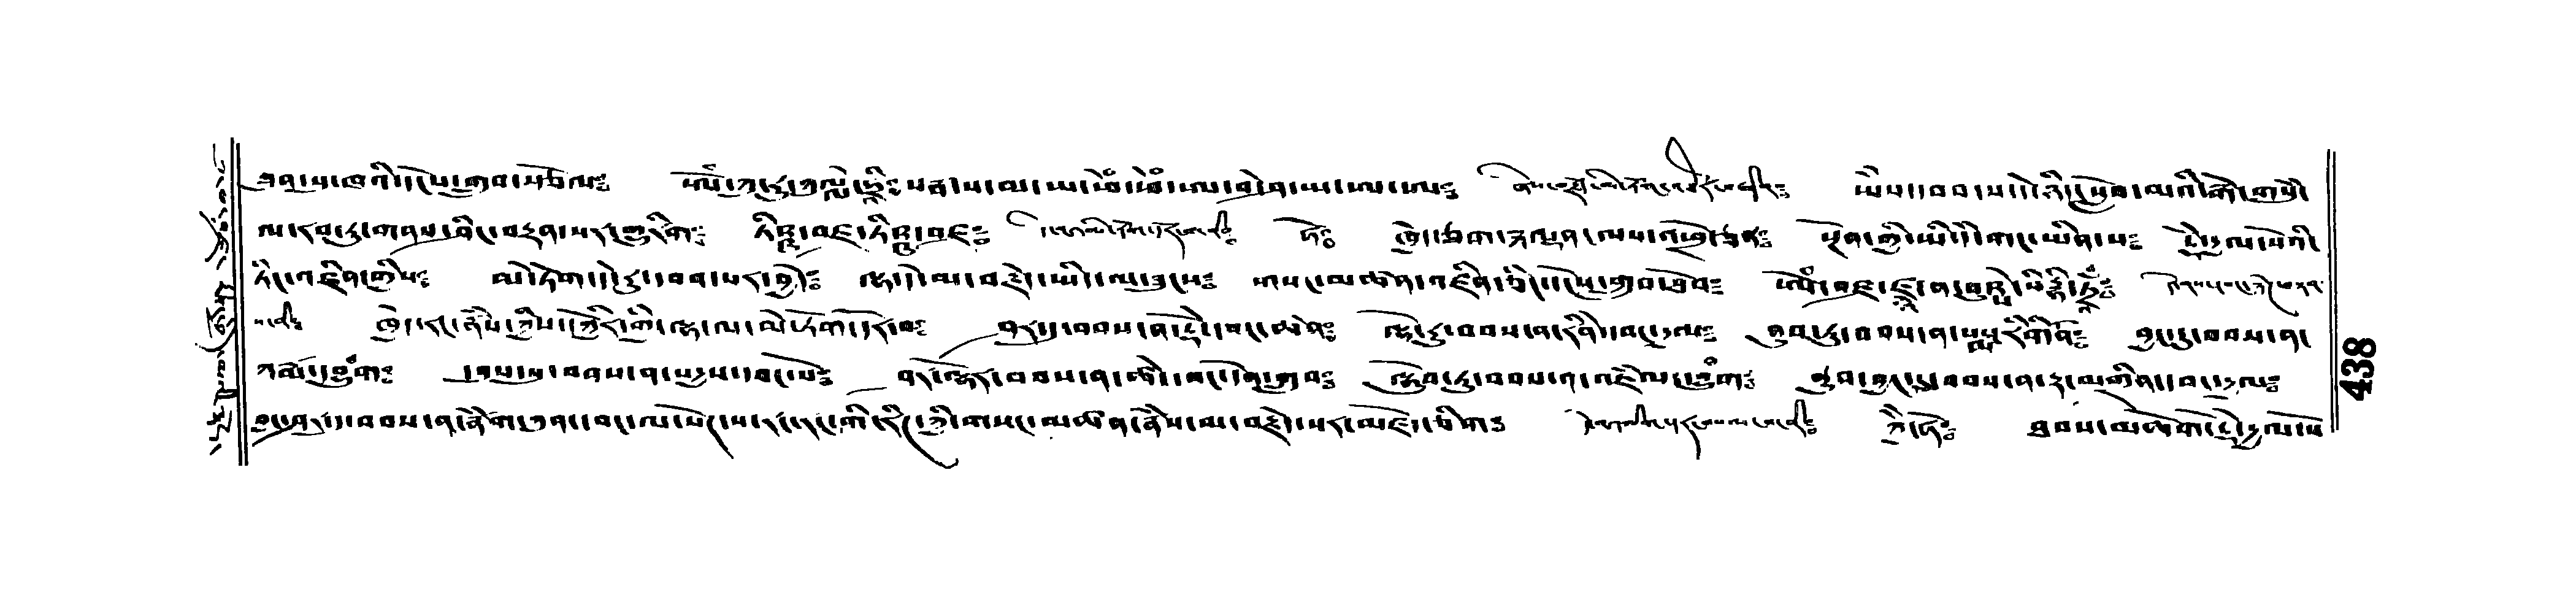ཐུན་སུ་ཁའི་དངོས་གྲུབ་སྩོལ༔ ཨོཾ་ཀུ་རུ་ཀུལླེ་ཧྲཱིཿསརྦ་ས་མ་ཡ་ཕེཾ་ཕེཾ་ཨ་བེ་ཤ་ཡ་ཨཱ་ཨཱཿ ཞེས་བརྗོད་མེ་ཏོག་འཐོར་བཞིན༔ ཡེ་ཤེས་དབབ་པ་དེ་ཉིད་སློབ་མའི་སྒོ་གསུམ་
ལ་རབ་ཏུ་གནས་ཤིང་བརྟན་པར་གྱུར་ཅིག༔ ཏིཥྛ་བཛྲ་ཏིཥྛ་བཛྲ༔ དེ་ནས་མེ་ཏོག་དོར་བ་ནི༔ ཧོཿ ཁྱེད་ཅག་སྐལ་ལྡན་ལས་འཕྲོ་ཅན༔ སྔོན་གྱི་ཡི་དམ་གང་ཡིན་པ༔ རྡོ་རྗེ་རྒྱལ་པོའི་
ཏིང་འཛིན་གྱིས༔ མེ་ཏོག་དེ་རུ་དབབ་པར་བྱེད༔ ལྷ་དེ་མ་བརྗེད་ཡིད་ལ་ཟུངས༔ གསང་མཚན་འཛིན་ཅིང་དངོས་གྲུབ་ཐོབ༔ ཨོཾ་བཛྲ་ཛྙཱ་ན་བུཥྤེ་སིདྡྷི་ཏྲཱྃ༔ དེ་ནས་དབང་རྟོགས་བསྟན་
པ་ནི༔ ཁྱེད་རང་རྣམས་ཀྱིས་དཀྱིལ་འཁོར་གྱི་ལྷ་ལ་མེ་ཏོག་དོར་བས༔ ཤར་དུ་བབས་ན་རྡོ་རྗེ་དབང་ཆེན༔ ལྷོ་རུ་བབས་ན་རིན་ཆེན་དབང་རྒྱལ༔ ནུབ་ཏུ་བབས་ན་པདྨ་རིག་འཛིན༔ བྱང་དུ་བབས་ན་
ཀརྨ་དབང་ཕྱུག༔ དབུས་སུ་བབས་ན་སངས་རྒྱས་དབང་པོ༔ ཤར་ལྷོར་བབས་ན་ཚེ་དབང་དོན་གྲུབ༔ ལྷོ་ནུབ་ཏུ་བབས་ན་འཇམ་དཔལ་དབང་ཕྱུག༔ ནུབ་བྱང་དུ་བབས་ན་རྟ་མགྲིན་དབང་རྒྱལ༔
བྱང་ཤར་དུ་བབས་ན་རྣམ་དག་ཀུན་དབང་ལ་སོགས་པ་རང་རང་གི་རིགས་ཀྱི་གསང་མཚན་རྣམས་མ་བརྗེད་པར་མཛོད་ཅིག༔ དེ་ནས་མིག་དར་བསལ་བ་ནི༔ ཀྱཻ་ཧོཿ ཐབས་མཆོག་རྡོ་རྗེ་རྒྱལ་པོ་